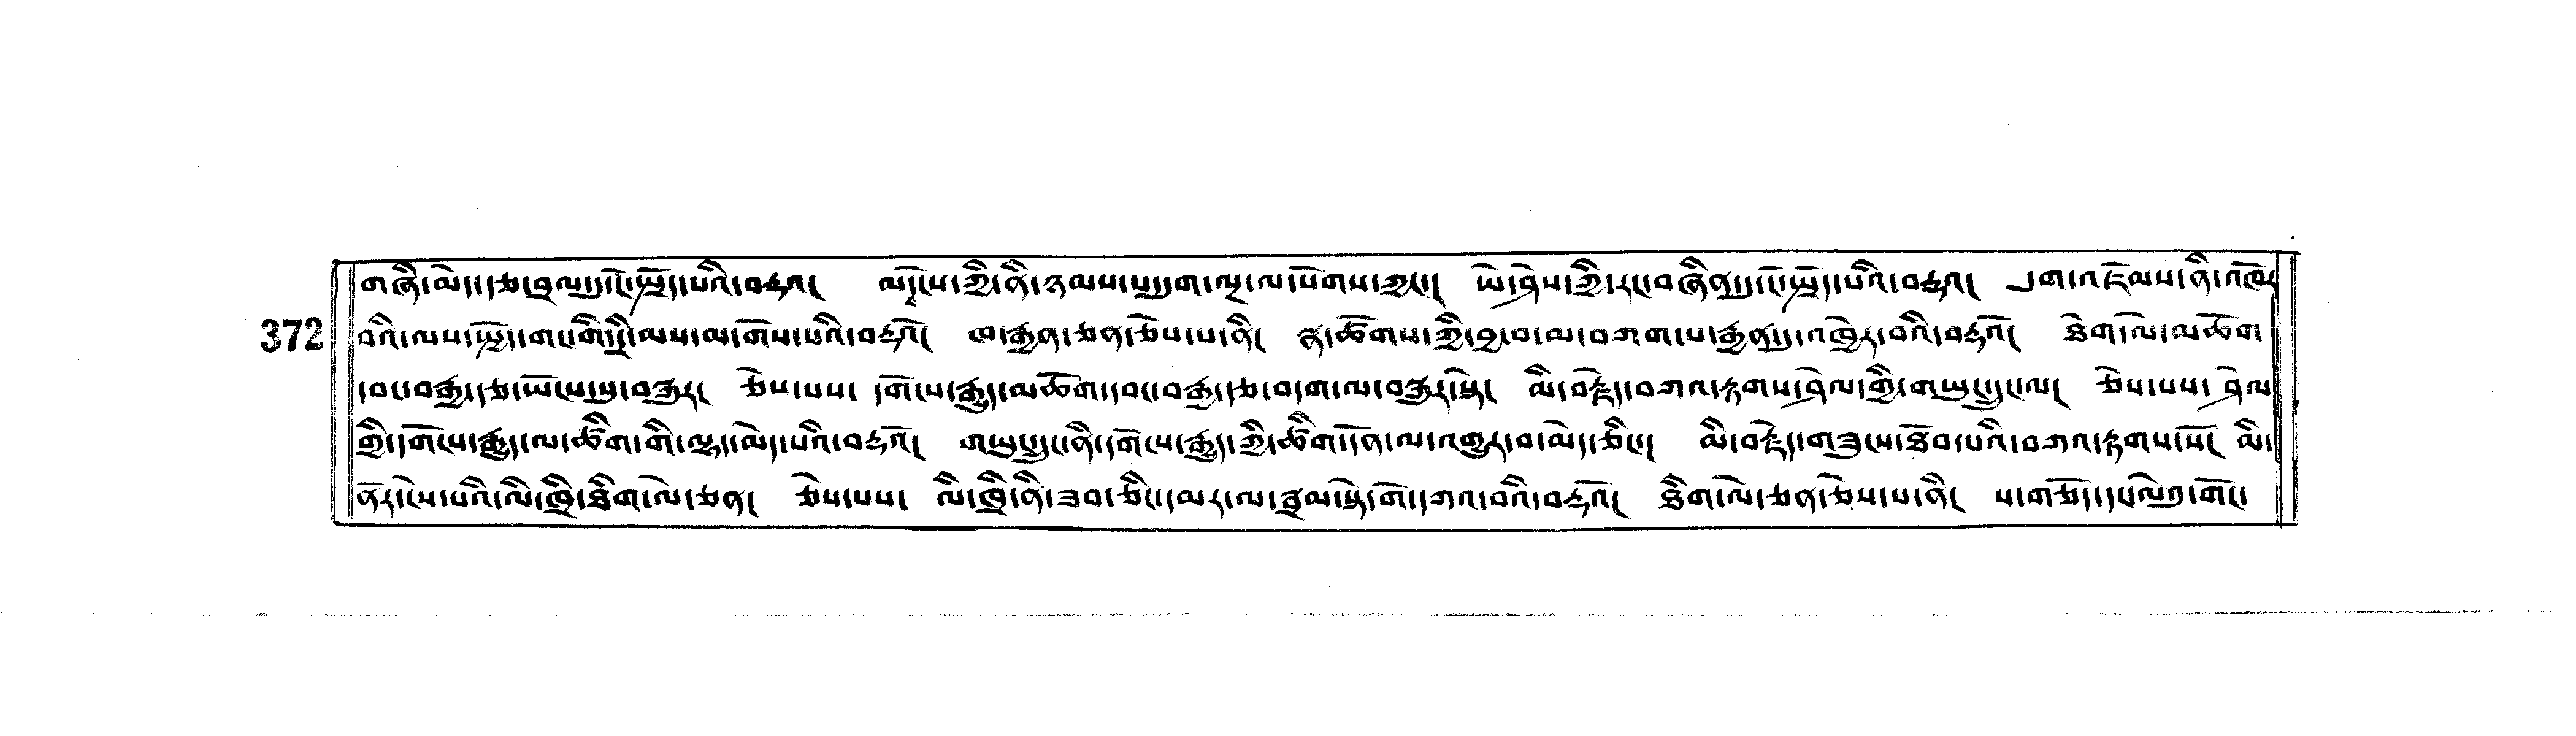གཞི་མེད་རྩ་བྲལ་དུ་ངོ་སྤྲོད་པའི་བརྡ། མདོངས་ཀྱི་ནི་ཉམས་པ་དུག་ལྔ་ལ་སོགས་ཀྱང་། ཡེ་ཤེས་ཀྱི་རང་བཞིན་དུ་ངོ་སྤྲོད་པའི་བརྡ། དུག་འཇོམས་ནི་འཁོར་
བའི་ལས་སྤྱོད་གང་གི་ཡང་དྲི་མས་མ་གོས་པའི་བརྡའོ། ཁ་རྒྱན་ཅེས་པ་ནི། སྣ་ཚོགས་ཀྱི་བྱ་བ་མ་བཀག་པ་རྒྱན་དུ་ཁྱེར་བའི་བརྡའོ། ཐིག་ལེ་མཆོག་
དབང་བརྒྱ་རྩ་ཡོངས་སུ་བསྐུར། ཅེས་པས། དགོངས་རྒྱུད་མཆོག་དབང་བརྒྱ་རྩ་བདག་ལ་བསྐུར་ཏེ། མི་བརྗིད་བཀའ་རྟགས་ཤེལ་གྱི་གཡུང་དྲུང་ལ། ཅེས་པས། ཤེལ་
གྱི་དགོངས་རྒྱུད་ལ་ཚིག་གི་ལྷད་མེད་པའི་བརྡའོ། གཡུང་དྲུང་ནི་དགོངས་རྒྱུད་ཀྱི་ཚིག་དོན་ལ་འགྱུར་བ་མེད་ཅིང་། མི་བརྗེད་པའི་གཟུངས་ཐོབ་པའི་བཀའ་རྟགས་སོ། མི་
ནོར་ངེས་པའི་ལི་ཁྲི་ཐིག་ལེ་ཅན། ཅེས་པས། ལི་ཁྲི་ནི་ཟབ་ཅིང་དམར་ལ་སྦྲམ་སྟེ་གོ་དཀའ་བའི་བརྡའོ། ཐིག་ལེ་ཅན་ཅེས་པ་ནི། ས་གཅོད་དང་ལེའུ་གོང་